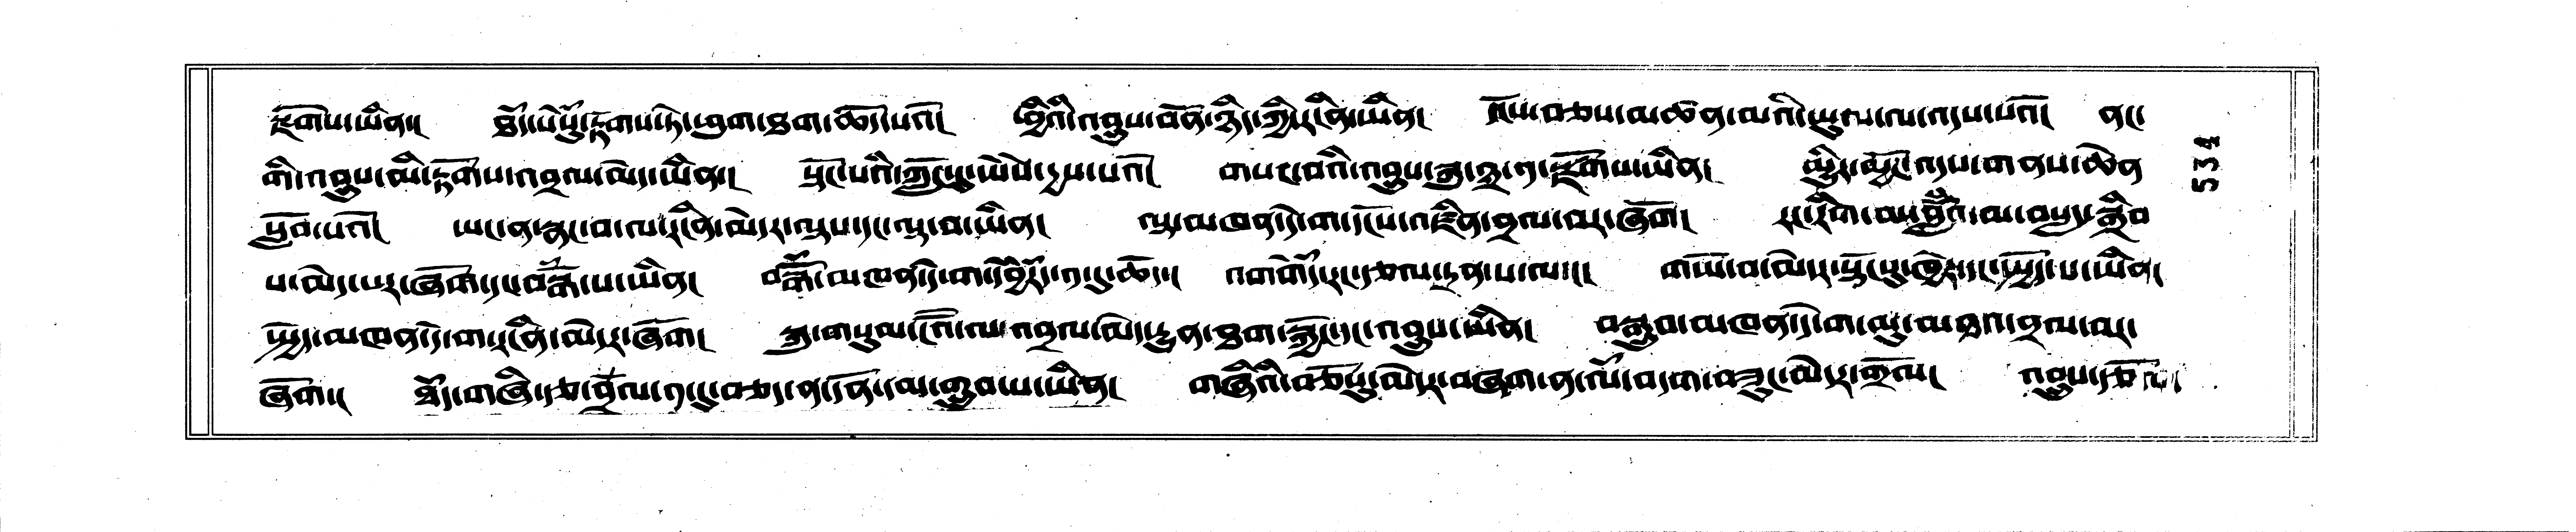རྫོགས་ཡིན། ཐམས་ཅད་སེམས་སུ་རྟོགས་ཏེ་ཕུ་ཐག་ཆོད་པའོ། ཕྱིའི་འབྲས་བུ་བོན་ཉིད་ཀྱི་རང་བཞིན་ཡིན། དངོས་བཅས་མཚན་མ་ཡུལ་ལ་འདས་པའོ། ནང་
གི་འབྲས་བུ་མི་རྟོག་འབྲལ་མེད་ཡིན། སྟོང་པའི་ཀློང་དུ་ཡེ་ཤེས་རྒྱས་པའོ། གསང་བའི་འབྲས་བུ་སྐུ་གསུམ་རྫོགས་པ་ཡིན། མི་གྱུར་མྱང་འདས་གནས་ཆེན་
སླེབ་པའོ། ཡང་ནས་སྣང་བ་ལ་ཡང་རང་བཞིན་མེད་པར་ལྟོས་དང་ལྟ་བ་ཡིན། ལྟ་མཁན་དེ་ཀས་ངོས་འཛིན་བྲལ་བར་ཞོག རང་རིག་པ་བློའི་མ་བསླད་སྒྲིབ་
པ་མེད་པར་བཞག། རང་སྒོམ་པ་ཡིན། སྒོམ་མཁན་དེ་ཀ་རང་བཞིན་མེད་པར་ཞོགས། དབྱེར་མེད་ཅིག་དུ་ཆོད། གྷག་(འགག)་མེད་རང་རྩལ་དྲན་པ་ལ། གཡོ་བ་མེད་པར་སྡོངས་སུ་ཁྱེར་དང་སྤྱོད་པ་ཡིན། 
སྤྱོད་མཁན་དེ་ཀ་རང་བཞིན་མེད་པར་ཞོགས། སྐུ་གསུམ་ངོའོ་འབྲལ་མེད་དུ། རྒྱུན་ཐག་སྐྱོངས་དང་འབྲས་བུ་ཡིན། བསྒྲུབ་མཁན་དེ་ཀ་མུ་མཐའ་བྲལ་བར་
ཞོག ཐམས་ཅད་གཞི་རྩ་ཅིག་དུ་བཅད་ན་དོན་དམ་གྲུབ་པ་ཡིན། གཞི་བཅོས་སུ་མེད་པར་བཞག་ན་ལམ་བདག་བཟུང་མེད་པར་གྲོལ། འབྲས་བུ་རྩོལ་